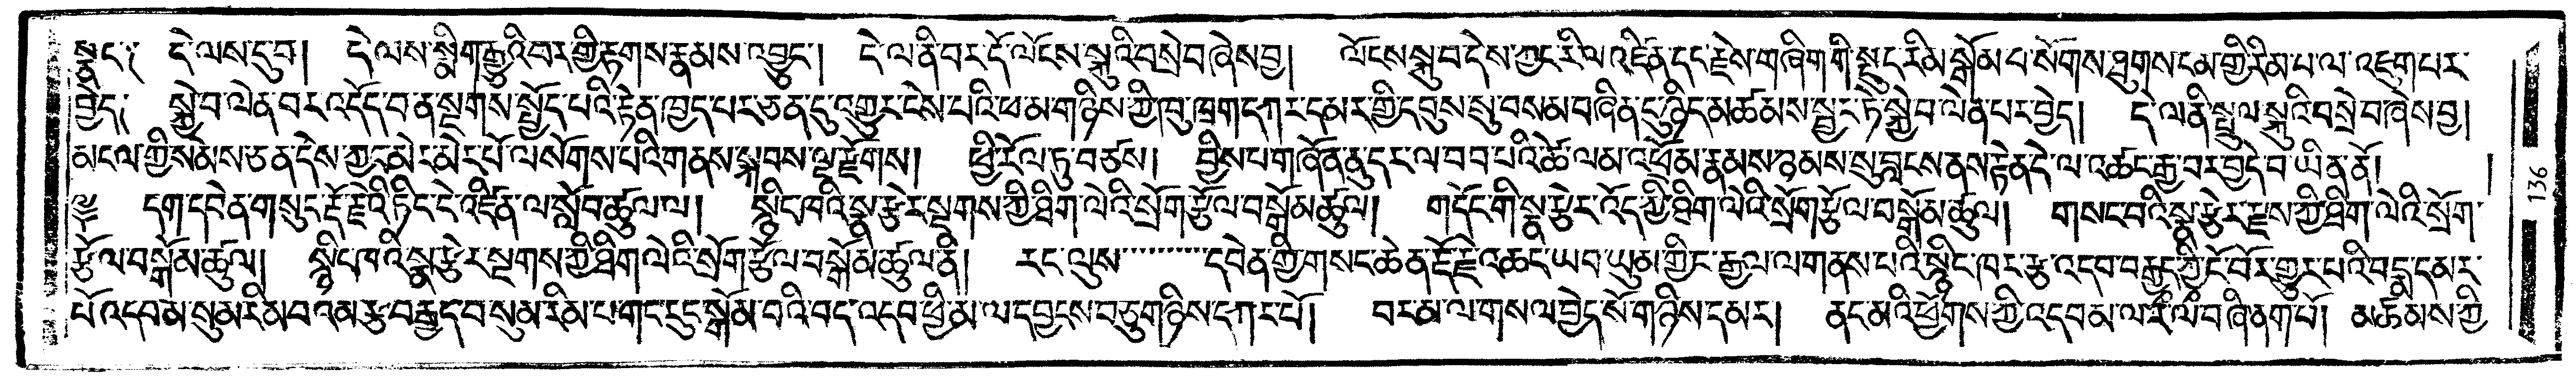སྣང༑ དེ་ལས་དུ་བ། དེ་ལས་སྨིག་རྒྱུའི་བར་གྱི་རྟགས་རྣམས་འབྱུང་། དེ་ལ་ནི་བར་དོ་ལོངས་སྐུའི་བསྲེབ་ཞེས་བྱ། ལོངས་སྐུ་བ་དེས་ཀྱང་རིལ་འཛིན་དང་རྗེས་གཞིག་གི་སྡུད་རིམ་སྒོམ་པ་སོགས་ཐུགས་དམ་གྱི་རིམ་པ་ལ་འཇུག་པར་
བྱེད༑ སྐྱེ་བ་ལེན་པར་འདོད་པ་ན་སྔགས་སྤྱོད་པའི་རྟེན་ཁྱད་པར་ཅན་དུ་འགྱུར་ངེས་པའི་ཕ་མ་གཉིས་ཀྱི་ཁུ་ཁྲག་དཀར་དམར་གྱི་དབུས་སུ་བསམ་བཞིན་དུ་ཉིད་མཚམས་སྦྱར་ཏེ་སྐྱེ་བ་ལེན་པར་བྱེད། དེ་ལ་ནི་སྤྲུལ་སྐུའི་བསྲེ་བ་ཞེས་བྱ།
མངལ་གྱི་སེམས་ཅན་དེས་ཀྱང་མེར་མེད་པོ་ལ་སོགས་པའི་གནས་སྐབས་ལྔ་རྫོགས། ཕྱི་རོལ་ཏུ་བཙས། བྱིས་པ་གཞོན་ནུ་དར་ལ་བབ་པའི་ཚེ་ལམ་འཕྲོ་མ་རྣམས་ཉམས་སུ་བླངས་ནས་རྟེན་དེ་ལ་འཚང་རྒྱ་བར་བྱེད་པ་ཡིན་ནོ། །
༈ དག་དབེན་གསུང་རྡོ་རྗེའི་ཏིང་ངེ་འཛིན་ལ་སློབ་ཚུལ་ལ། སྙིང་ཁའི་སྣ་རྩེར་སྔགས་ཀྱི་ཐིག་ལེའི་སྲོག་རྩོལ་བསྒོམ་ཚུལ། གདོང་གི་སྣ་རྩེར་འོད་ཀྱི་ཐིག་ལེའི་སྲོག་རྩོལ་བསྒོམ་ཚུལ། གསང་བའི་སྣ་རྩེར་རྫས་ཀྱི་ཐིག་ལེའི་སྲོག་
རྩོལ་བསྒོམ་ཚུལ། སྙིང་ཁའི་སྣ་རྩེར་སྔགས་ཀྱི་ཐིག་ལེའི་སྲོག་རྩོལ་བསྒོམ་ཚུལ་ནི། རང་ལུས་དབེན་གྱི་གསང་ཆེན་རྡོ་རྗེ་འཆང་ཡབ་ཡུམ་གྱི་ང་རྒྱལ་ལ་གནས་པའི་སྙིང་ཁར་རྩ་འདབ་བརྒྱད་ཀྱི་ངོ་བོར་གྱུར་པའི་པདམ་དམར་
པོ་འདབ་མ་སུམ་རིམ་བའམ་རྩ་བརྒྱད་བ་སུམ་རིམ་པ་གང་རུང་སྒོམ་བའི་བད་འདབ་ཕྱི་མ་ལ་དབྱངས་བཅུ་གཉིས་དཀར་པོ། བར་མ་ལ་གསལ་བྱེད་སོ་གཉིས་དམར། ནང་མའི་ཕྱོགས་ཀྱི་འདབ་མ་ལ་རྀ་ལྀ་བཞི་ནག་པོ། མཚམས་ཀྱི་